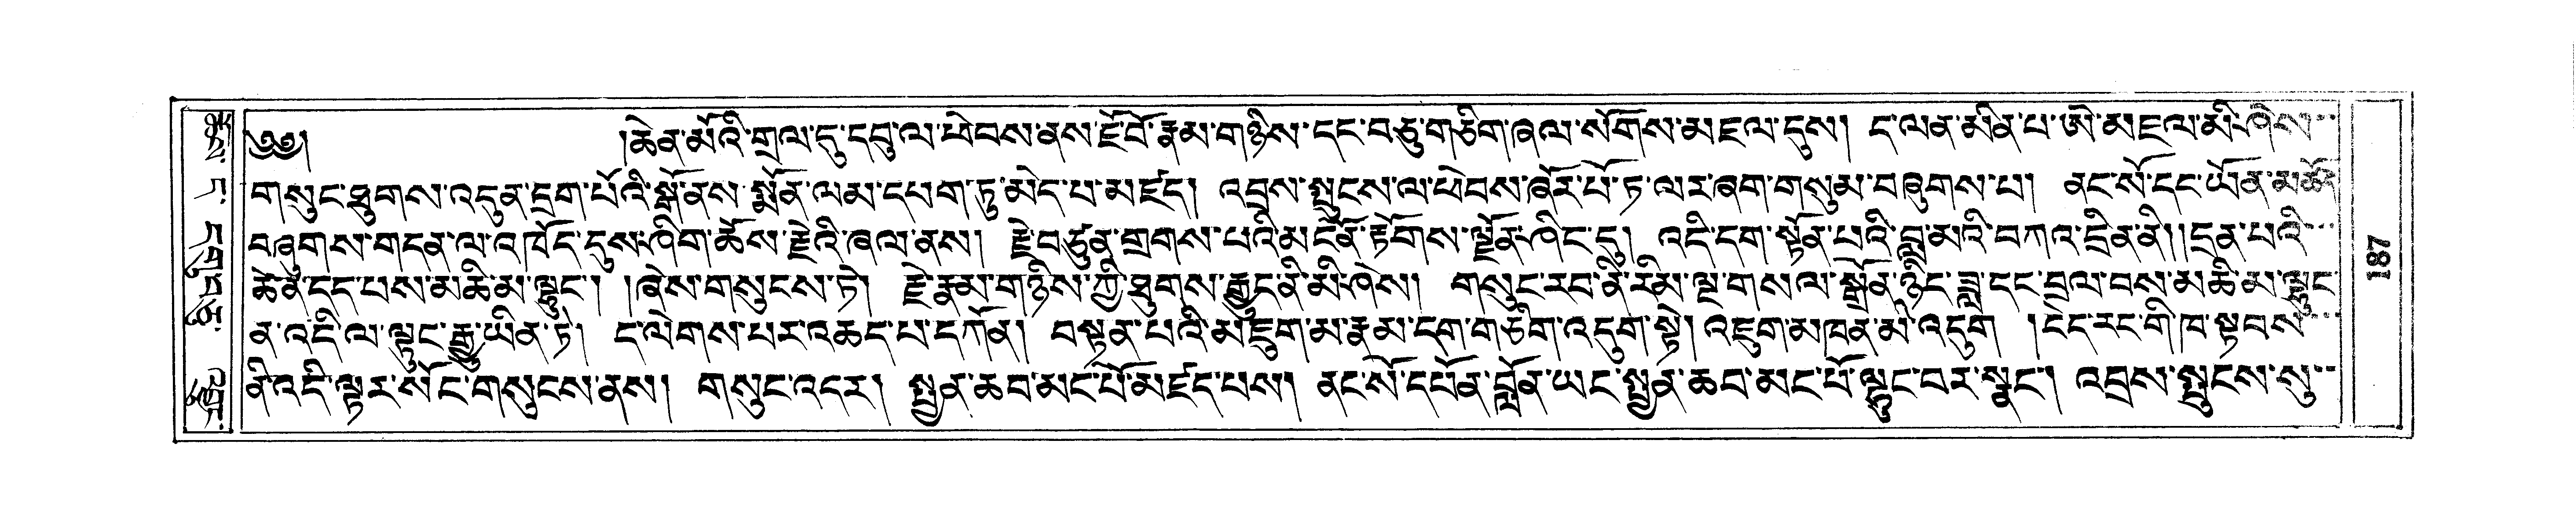༄༅། །ཆེན་མོའི་གྲལ་དུ་དབུ་ལ་ཕེབས་ནས་ཇོ་བོ་རྣམ་གཉིས་དང་བཅུ་གཅིག་ཞལ་སོགས་མཇལ་དུས། ད་ལན་མིན་པ་ཨེ་མཇལ་མི་ཤེས་
གསུང་ཐུགས་འདུན་དྲག་པོའི་སྒོ་ནས་སྨོན་ལམ་དཔག་ཏུ་མེད་པ་མཛད། འབྲས་སྤུངས་ལ་ཕེབས་ཞོར་པོ་ཏ་ལར་ཞག་གསུམ་བཞུགས་པ། ནང་སོ་དང་ཡོན་མཚོད་
བཞུགས་གདན་ལ་འཁོད་དུས་ཤིག་ཆོས་རྗེའི་ཞལ་ནས། རྗེ་བཙུན་གྲགས་པའི་མངོན་རྟོགས་ལྗོན་ཤིང་དུ། འདི་དག་སྟོན་པའི་བླ་མའི་བཀའ་དྲིན་ནི། །དྲན་པའི་
ཚེ་དད་པས་མཆིག་མ་ལྷུང་། །ཞེས་གསུངས་ཏེ། རྗེ་རྣམ་གཉིས་ཀྱི་ཐུགས་རྒྱུད་ནི་མི་ཤེས། གསུངས་རབ་ནི་རིམ་ལྔ་གསལ་སྒྲོན་ཉིད་ཟླ་དང་བྲལ་བས་མཆི་མ་ལྷུང་
ན་འདི་ལ་ལྟུང་རྒྱུ་ཡིན་ཏེ། ད་ལེགས་པར་འཆད་པ་དཀོན། བསྟན་པའི་མཇུག་མ་རྣམ་དག་གཅིག་འདུག་སྟེ། འཇུག་མཁན་མི་འདུག །ངེད་རང་གི་ཁ་སྟབས་
ནི་འདི་ལྟར་སོང་གསུངས་ནས། གསུང་འདར། སྤྱན་ཆབ་མང་པོ་མཛད་པས། ནང་སོ་དཔོན་བློན་ཡང་སྤྱན་ཆབ་མང་པོ་ལྷུང་བར་སྣང་། འབྲས་སྤུངས་སུ་